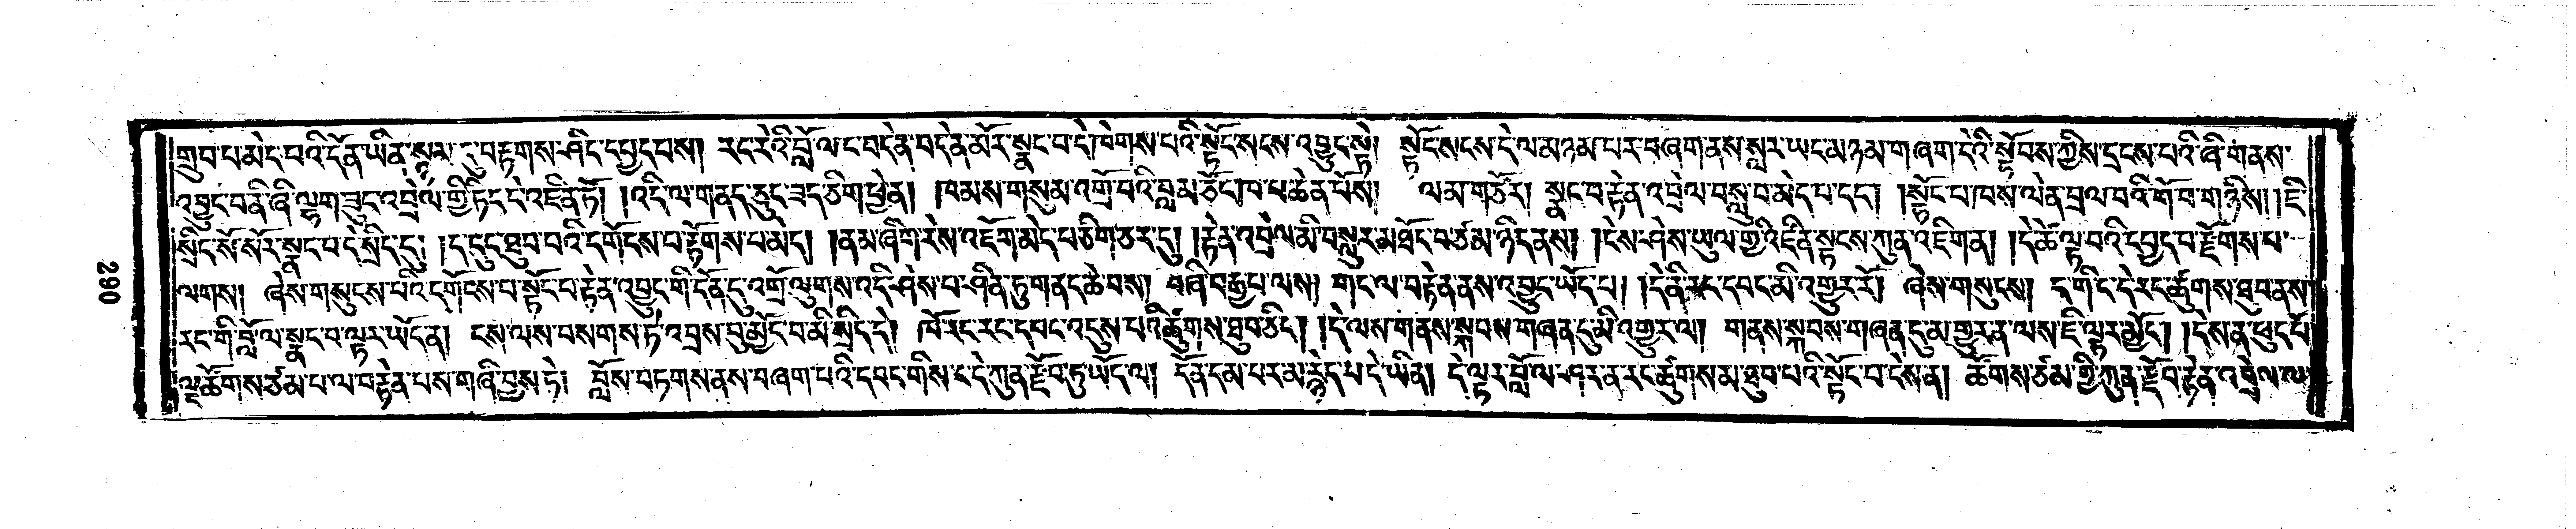གྲུབ་པ་མེད་པའི་དོན་ཡིན་སྙམ་དུ་བརྟགས་ཤིང་དཔྱད་པས། རང་རེའི་བློ་ལང་བདེན་བདེན་མོར་སྣང་བ་དེ་ཁེགས་པའི་སྟོང་སངས་འབྱུང་སྟེ། སྟོང་སངས་དེ་ལ་མཉམ་པར་བཞག་ནས་སླར་ཡང་མཉམ་གཞག་དེའི་སྟོབས་ཀྱིས་དྲངས་པའི་ཞི་གནས་
འབྱུང་བ་ནི་ཞི་ལྷག་ཟུང་འབྲེལ་གྱི་ཏིང་ངེ་འཛིན་ཏོ། །འདི་ལ་གནད་ཟུང་ཟད་ཅིག་ཕྱེན། ཁམས་གསུམ་འགྲོ་བའི་བླ་མ་ཙོང་ཁ་པ་ཆེན་པོས། ལམ་གཙོར། སྣང་བརྟན་འབྲེལ་བསླུ་བ་མེད་པ་དང་། །སྟོང་པ་ཁས་ལེན་བྲལ་བའི་གོ་བ་གཉིས། །ཇི་
སྲིད་སོ་སོར་སྣང་བ་དེ་སྲིད་དུ། །ད་དུང་ཐུབ་པའི་དགོངས་པ་རྟོགས་པ་མེད། །ནམ་ཞིག་རེས་འཇིག་མེད་པ་ཅིག་ཅར་དུ། །རྟེན་འབྲེལ་མི་བསླུར་མཐོང་བ་ཙམ་ཉིད་ནས། །ངེས་ཤེས་ཡུལ་གྱི་འཛིན་སྟངས་ཀུན་འཇིག་ན། །དེ་ཚེ་ལྟ་བའི་དཔྱད་པ་རྫོགས་པ་
ལགས། ཞེས་གསུངས་པའི་དགོངས་པ་སྟོང་པ་རྟེན་འབྱུང་གི་དོན་དུ་འགྲོ་ལུགས་འདི་ཤེས་པ་ཤིན་ཏུ་གནང་ཆེ་བས། བཞི་བརྒྱ་པ་ལས། གང་ལ་བརྟེན་ནས་འབྱུང་ཡོད་པ། །དེ་ནི་རང་དབང་མི་འགྱུར་རོ། ཞེས་གསུངས། ད་གི་ང་དེ་རང་ཚུགས་ཐུབ་ནས་
རང་གི་བློ་ལ་སྣང་བ་ལྟར་ཡོད་ན། ངས་ལས་བསགས་ཏེ་འབྲས་བུ་མྱོང་བ་མི་སྲིད་དེ། ཁོ་རང་རང་དབང་འདུས་པའི་ཚུགས་ཐུབ་ཅིང་། །དེ་ལས་གནས་སྐབས་གཞན་དུ་མི་འགྱུར་ལ། གནས་སྐབས་གཞན་དུ་མ་གྱུར་ན་ལས་ཇི་ལྟར་མྱོང་། །དེས་ན་ཕུང་པོ་
ལྔ་ཚོགས་ཙམ་པ་ལ་བརྟེན་པས་གཞི་བྱས་ཏེ། བློས་བཏགས་ནས་བཞག་པའི་དབང་གིས་ད་དེ་ཀུན་རྫོབ་ཏུ་ཡོད་ལ། དོན་དམ་པར་མ་རྙེད་པ་དེ་ཡིན། དེ་ལྟར་བློ་ལ་ཤར་ན་རང་ཚུགས་མ་ཐུབ་པའི་སྟོང་བ་ངེས་ན། ཚོགས་ཙམ་གྱི་ཀུན་རྫོབ་རྟེན་འབྲེལ་ལ་